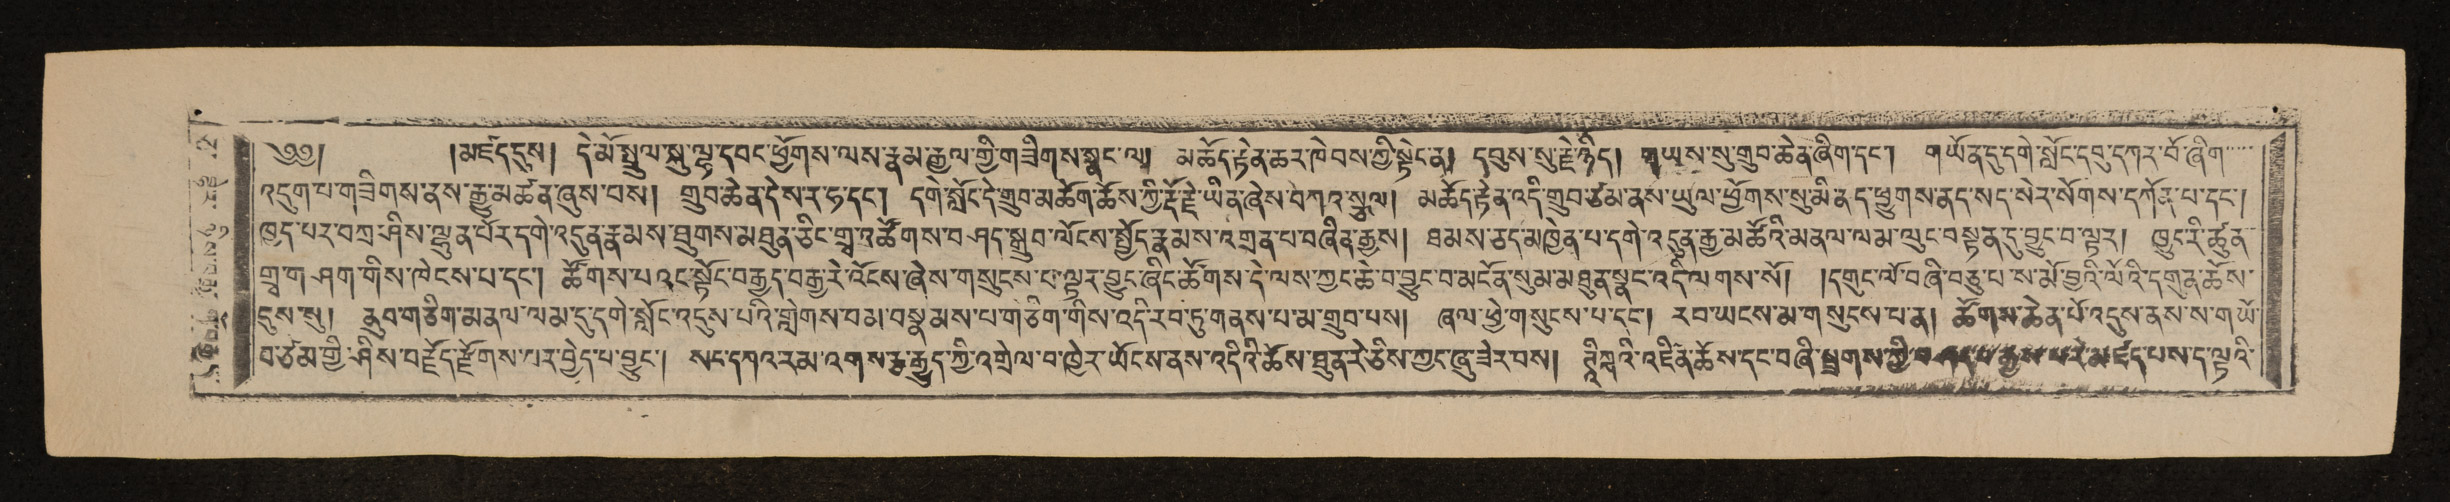༄༅། །མཛད་དུས། དེ་མོ་སྤྲུལ་སྐུ་ལྷ་དབང་ཕྱོགས་ལས་རྣམ་རྒྱལ་གྱི་གཟིགས་སྣང་ལ། མཆོད་རྟེན་ཆར་ཁེབས་ཀྱི་སྟེང་ན། དབུས་སུ་རྗེ་ཉིད། གཡས་སུ་གྲུབ་ཆེན་ཞིག་དང་། གཡོན་དུ་དགེ་སློང་དབུ་དཀར་པོ་ཞིག་
འདུག་བ་གཟིགས་ནས་རྒྱུ་མཚན་ཞུས་པས། གྲུབ་ཆེན་དེ་སར་ཧ་དང་། དགེ་སློང་དེ་གྲུབ་མཆོག་ཆོས་ཀྱི་རྡོ་རྗེ་ཡིན་ཞེས་བཀའ་སྩལ། མཆོད་རྟེན་འདི་གྲུབ་ཙམ་ནས་ཡུལ་ཕྱོགས་སུ་མི་ནད་ཕྱུགས་ནད་སད་སེར་སོགས་དཀོན་པ་དང་།
ཁྱད་པར་བཀྲ་ཤིས་ལྷུན་པོར་དགེ་འདུན་རྣམས་ཐུགས་མཐུན་ཅིང་གྲྭ་འཚོགས་བཤད་སྒྲུབ་ལོངས་སྤྱོད་རྣམས་འགྲན་པ་བཞིན་རྒྱས། ཐམས་ཅད་མཁྱེན་པ་དགེ་འདུན་རྒྱ་མཚོའི་མནལ་ལམ་ལུང་བསྟན་དུ་བྱུང་བ་ལྟར། ཁྱུང་རི་ཚུན་
གྲྭ་གཤག་གིས་ཁེངས་པ་དང་། ཚོགས་པའང་སྟོང་བརྒྱད་བརྒྱ་རེ་འོངས་ཞེས་གསུངས་པ་ལྟར་བྱུང་ཞིང་ཚོགས་དེ་ལས་ཀྱང་ཆེ་བ་བྱུང་བ་མངོན་སུམ་མཐུན་སྣང་འདི་ལགས་སོ། །དགུང་ལོ་བཞི་བཅུ་པ་ས་མོ་བྱའི་ལོའི་དགུན་ཆོས་
དུས་སུ། ནུབ་གཅིག་མནལ་ལམ་དུ་དགེ་སློང་འདུས་པའི་གླེགས་བམ་བསྣམས་པ་གཅིག་གིས་འདི་རབ་ཏུ་གནས་པ་མ་གྲུབ་པས། ཞལ་ཕྱེ་གསུངས་པ་དང་། རབ་ཡངས་མ་གསུངས་པ་ན། ཚོགས་ཆེན་པོ་འདུས་ནས་ས་གཡོ་
བ་ཙམ་གྱི་ཤིས་བརྗོད་རྫོགས་པར་བྱེད་པ་བྱུང་། སང་དཀའ་རམ་འགས་རྩ་རྒྱུད་ཀྱི་འགྲེལ་པ་ཁྱེར་ཡོངས་ནས་འདིའི་ཆོས་ཐུན་རེ་ཅིས་ཀྱང་ཞུ་ཟེར་བས། ཊཱིཀྐའི་འཛིན་ཆོས་དང་བཞི་སྦྲགས་ཀྱི་བཤད་པ་རྒྱས་པ་རེ་མཛད་པས་ད་ལྟའི་